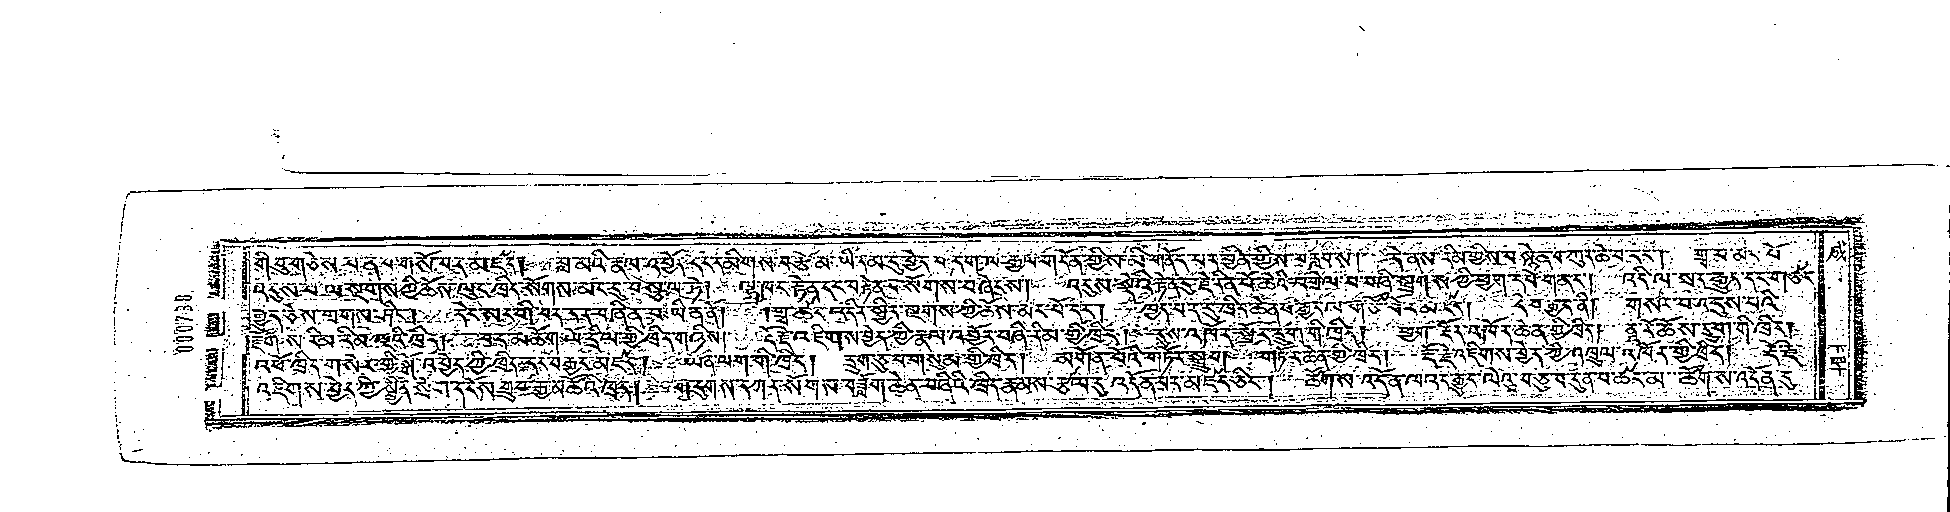གི་བུ་གཅེས་པ་ན་པ་གསོ་བར་མཛད། བླ་མའི་རྣལ་འབྱོར་དང་དམིགས་བརྩེམ་ཡི་དམ་དུ་བྱེད་པ་དག་ལ་རྒྱལ་གདོན་གྱིས་མི་གནོད་པར་བྱིན་གྱིས་བརླབས། དེ་ནས་རིམ་གྱིས་བསྙེན་བཀུར་ཆེ་བ་དང་། གྲྭ་པ་མང་པོ་
འདུས་པ་ལ་སྔགས་ཀྱི་ཆོས་ལུང་ཁྲིད་སོགས་མང་དུ་བསྩལ་ཏེ། ལྷ་ཁང་རྟེན་དང་བརྟེན་པ་སོགས་བཞེངས། འདུས་སྡེའི་རྟེན་དུ་རྗེ་རིན་པོ་ཆེའི་འགྲེལ་པ་བཞི་སྦྲགས་ཀྱི་ཕྱག་དཔེ་གནང་། འདི་ལ་སྲད་རྒྱུད་དང་གཙང་
རྒྱུད་ཅེས་གྲགས་ཤིང་། དེང་སང་གི་བར་དར་བཞིན་པ་ཡིན་ནོ། །གྲྭ་ཚང་འདིར་སྦྱིན་སྔགས་ཀྱི་ཆོས་མང་པོ་དང་། ཁྱད་པར་དུ་ཁྲིད་ཆེན་བརྒྱད་ལ་གཙོ་བོར་མཛད། དེ་བརྒྱད་ནི། གསང་བ་འདུས་པའི་
རྫོགས་རིམ་རིམ་ལྔའི་ཁྲིད། བདེ་མཆོག་ལོ་དྲིལ་གྱི་ཁྲིད་གཉིས། རྡོ་རྗེ་འཇིགས་བྱེད་ཀྱི་རྣལ་འབྱོར་བཞི་རིམ་གྱི་ཁྲིད། དུས་འཁོར་སྦྱོར་དྲུག་གི་ཁྲིད། ཕྱག་རྡོར་འཁོར་ཆེན་གྱི་ཁྲིད། ནཱ་རོ་ཆོས་དྲུག་གི་ཁྲིད།
འཕོ་ཁྲིད་གསེར་གྱི་སྒོ་འབྱེད་ཀྱི་ཁྲིད་དང་བརྒྱད་མཛད། ཡན་ལག་གི་ཁྲིད། དྲུག་ཅུ་པ་གསུམ་གྱི་ཁྲིད། མགོན་པོའི་གཏོར་སྒྲུབ། གཏོར་ཆེན་གྱི་ཁྲིད། རྡོ་རྗེ་འཇིགས་བྱེད་ཀྱི་འཁྲུལ་འཁོར་གྱི་ཁྲིད། རྡོ་རྗེ་
འཇིགས་བྱེད་ཀྱི་སྦྱིན་སྲེག་དངོས་གྲུབ་རྒྱ་མཚོའི་ཁྲད། གདུགས་དཀར་སོགས་བཟློག་ཆེན་བཞིའི་ཁྲིད་རྣམས་རྩལ་དུ་འདོན་པར་མཛད་ཅིང་། ཚོགས་འདོན་ལའང་རྒྱུད་ལེའུ་བཅུ་བདུན་པ་ཚང་མ་ཚོགས་འདོན་དུ་